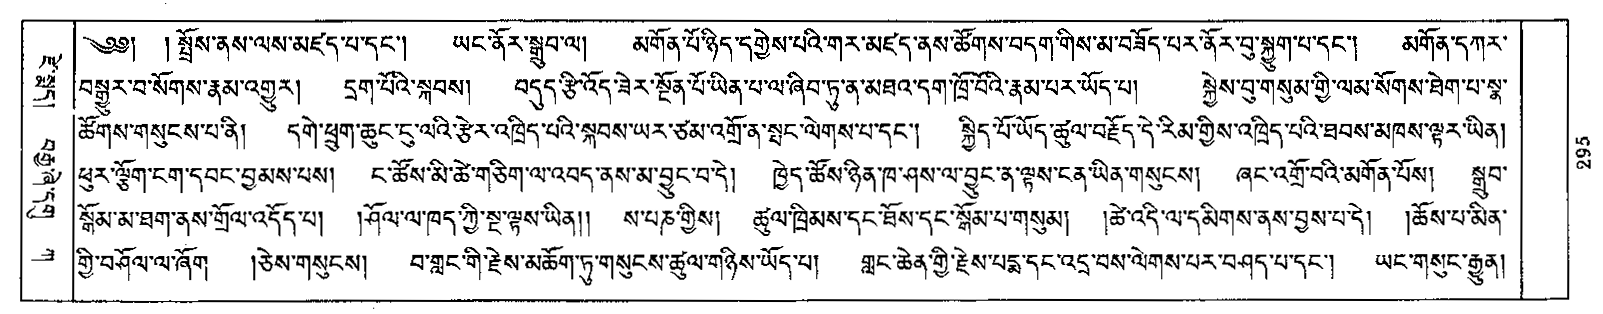༄༅། །སྤྲོས་ནས་ལས་མཛད་པ་དང་། ཡང་ནོར་སྒྲུབ་ལ། མགོན་པོ་ཉིད་དགྱེས་པའི་གར་མཛད་ནས་ཚོགས་བདག་གིས་མ་བཟོད་པར་ནོར་བུ་སྐྱུག་པ་དང་། མགོན་དཀར་
བསྒྱུར་བ་སོགས་རྣམ་འགྱུར། དྲག་པོའི་སྐབས། བདུད་རྩི་འོད་ཟེར་སྔོན་པོ་ཡིན་པ་ལ་ཞིབ་ཏུ་ན་མཐའ་དག་ཁྲོ་བོའི་རྣམ་པར་ཡོད་པ། སྐྱེས་བུ་གསུམ་གྱི་ལམ་སོགས་ཐེག་པ་སྣ་
ཚོགས་གསུངས་པ་ནི། དགེ་ཕྲུག་ཆུང་ངུ་ལའི་རྩེར་འཁྲིད་པའི་སྐབས་ཡར་ཙམ་འགྲོ་ན་སྤང་ལེགས་པ་དང་། སྐྱིད་པོ་ཡོད་ཚུལ་བརྗོད་དེ་རིམ་གྱིས་འཁྲིད་པའི་ཐབས་མཁས་ལྟར་ཡིན།
ཕུར་ལྕོག་ངག་དབང་བྱམས་པས། ང་ཚོས་མི་ཚེ་གཅིག་ལ་འབད་ནས་མ་བྱུང་བ་དེ། ཁྱེད་ཚོས་ཉིན་ཁ་ཤས་ལ་བྱུང་ན་ལྟས་ངན་ཡིན་གསུངས། ཞང་འགྲོ་བའི་མགོན་པོས། སྒྲུབ་
སྒོམ་མ་ཐག་ནས་གྲོལ་འདོད་པ། །ཤོལ་ལ་ཁད་ཀྱི་སྔ་ལྟས་ཡིན།། ས་པཎ་གྱིས། ཚུལ་ཁྲིམས་དང་ཐོས་དང་སྒོམ་པ་གསུམ། །ཚེ་འདི་ལ་དམིགས་ནས་བྱས་པ་དེ། །ཆོས་པ་མིན་
གྱི་བཤོལ་ལ་ཞོག །ཅེས་གསུངས། བ་གླང་གི་རྗེས་མཆོག་ཏུ་གསུངས་ཚུལ་གཉིས་ཡོད་པ། གླང་ཆེན་གྱི་རྗེས་པདམ་དང་འདྲ་བས་ལེགས་པར་བཤད་པ་དང་། ཡང་གསུང་རྒྱུན།